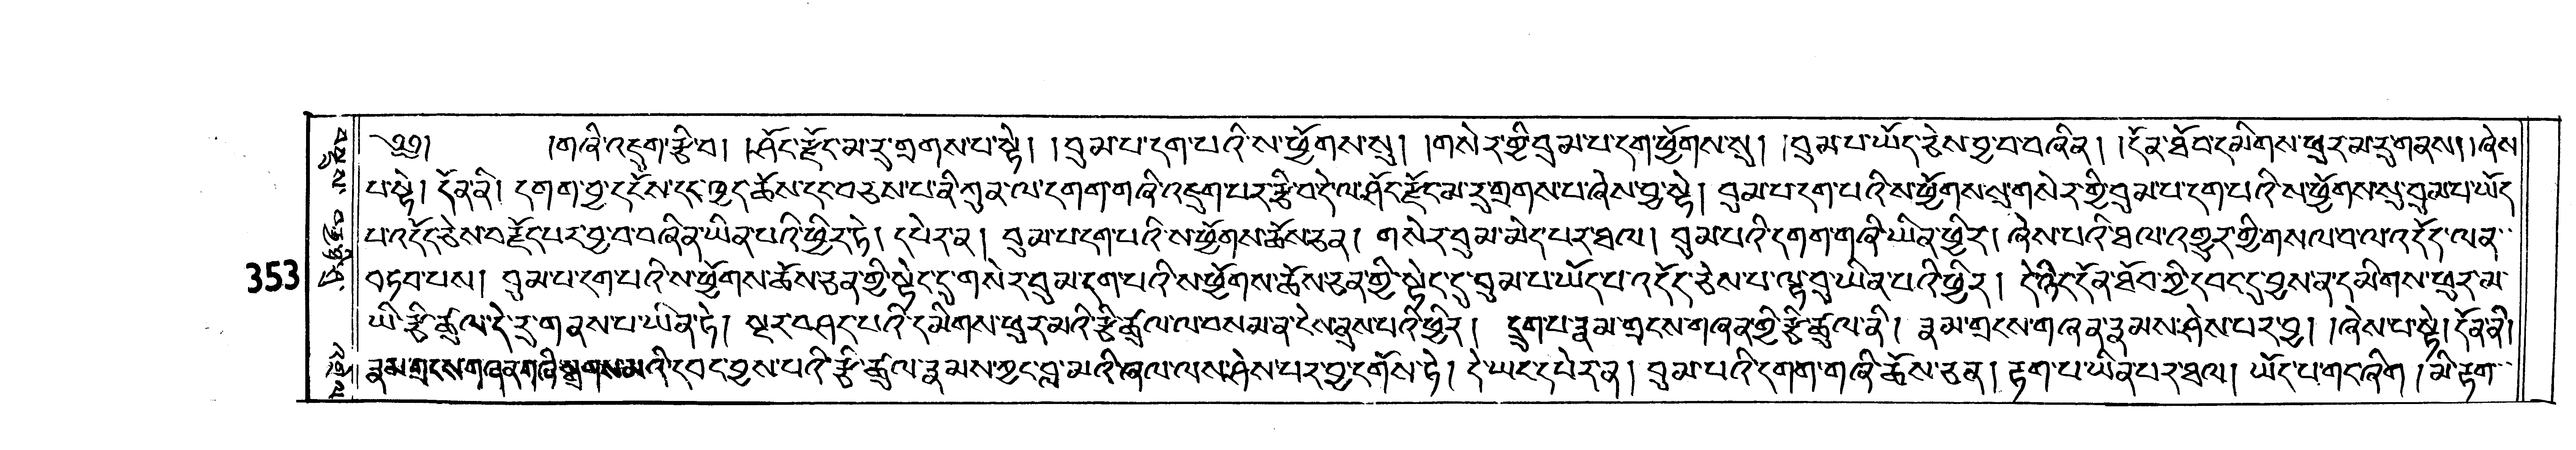༄༅། །གཞི་འཇུག་རྩི་བ། །ཤོད་རྗོད་མ་རུ་གྲགས་པ་སྟེ། །བུམ་པ་དག་པའི་ས་ཕྱོགས་སུ། །གསེར་གྱི་བུམ་པ་དག་ཕྱོགས་སུ། །བུམ་པ་ཡོད་ཅེས་བྱ་བ་བཞིན། །དོན་ཐོབ་དམིགས་ཕུར་མ་རུ་གནས། །ཞེས་
པ་སྟེ། དོན་ནི། དགག་བྱ་དངོས་དང་ཁྱད་ཆོས་དང་བཅས་པ་ནི་ཀུན་ལ་དགག་གཞི་འཇུག་པར་རྩི་བ་དེ་ལ་ཤོང་རྫོང་མ་རུ་གྲགས་པ་ཞེས་བྱ་སྟེ། བུམ་པ་དག་པའི་ས་ཕྱོགས་སུ་གསེར་གྱི་བུམ་པ་དག་པའི་ས་ཕྱོགས་སུ་བུམ་པ་ཡོད་
པ་འདོད་ཅེས་བརྗོད་པར་བྱ་བ་བཞིན་ཡིན་པའི་ཕྱིར་ཏེ། དཔེར་ན། བུམ་པ་དག་པའི་ས་ཕྱོགས་ཆོས་ཅན། གསེར་བུམ་མེད་པར་ཐལ། བུམ་པའི་དགག་གཞི་ཡིན་ཕྱིར། ཞེས་པའི་ཐལ་འགྱུར་གྱི་གསལ་བ་ལ་འདོད་ལན་
བཏབ་པས། བུམ་པ་དག་པའི་ས་ཕྱོགས་ཆོས་ཅན་གྱི་སྟེང་དུ་གསེར་བུམ་དག་པའི་ས་ཕྱོགས་ཆོས་ཅན་གྱི་སྟེང་དུ་བུམ་པ་ཡོད་པ་འདོད་ཅེས་པ་ལྟ་བུ་ཡིན་པའི་ཕྱིར། དེ་ཉིད་དོན་ཐོབ་ཀྱི་དབང་དུ་བྱས་ན་དམིགས་ཕུར་མ་
ཡི་རྩི་ཚུལ་དེ་རུ་གནས་པ་ཡིན་ཏེ། སྔར་བཤད་པའི་དམིགས་ཕུར་མའི་རྩི་ཚུལ་ལ་བསམ་ན་ངེས་ནུས་པའི་ཕྱིར། དྲུག་པ་རྣམ་གྲངས་གཞན་གྱི་རྩི་ཚུལ་ནི། རྣམ་གྲངས་གཞན་རྣམས་ཤེས་པར་བྱ། །ཞེས་པ་སྟེ། དོན་ནི།
རྣམ་གྲངས་གཞན་གཞི་སྒྲགས་མའི་དབང་བྱས་པའི་རྩི་ཚུལ་རྣམས་ཀྱང་བླ་མའི་ཞལ་ལས་ཤེས་པར་བྱ་དགོས་ཏེ། དེ་ཡང་དཔེར་ན། བུམ་པའི་དགག་གཞི་ཆོས་ཅན། རྟག་པ་ཡིན་པར་ཐལ། ཡོང་པ་གང་ཞིག །མི་རྟག་